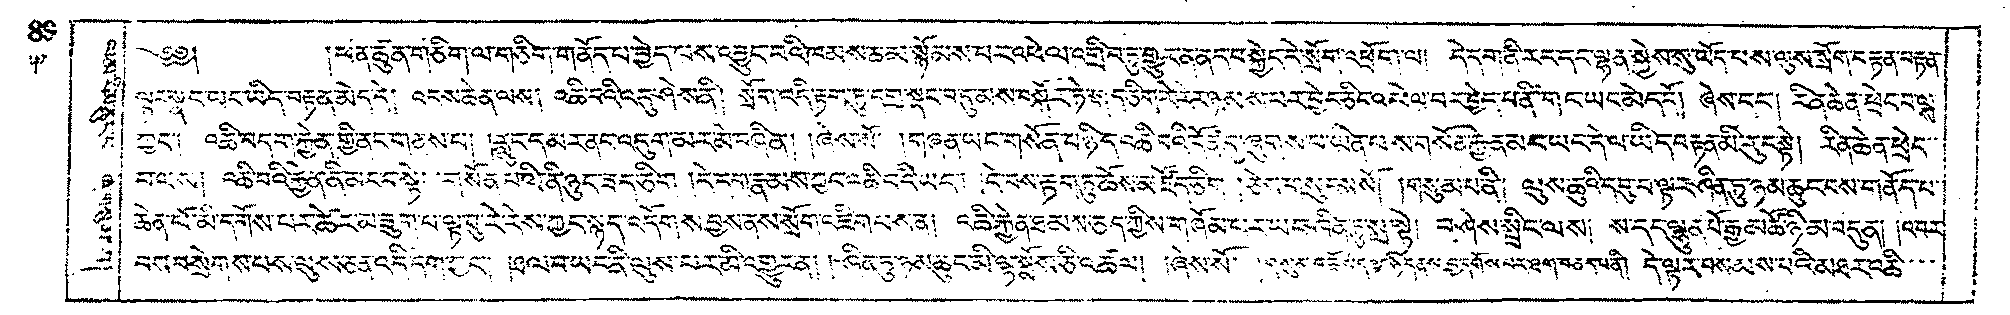༄༅། །ཕན་ཚུན་གཅིག་ལ་གཅིག་གནོད་པ་བྱེད་པས་འབྱུང་པའི་ཁམས་ཆ་མ་སྙོམས་པར་འཕེལ་འགྲིབ་ཏུ་གྱུར་ན་ནད་བསྐྱེད་དེ་སྲོག་འཕྲོག་ལ། དེ་དག་ནི་རང་དང་ལྷན་སྐྱེས་སུ་ཡོད་པས་ལུས་སྲོག་བརྟན་བརྟན་
ལྟར་སྣང་ཡང་ཡིད་བརྟན་མེད་དེ། འདས་ཆེན་ལས། འཆི་བའི་འདུ་ཤེས་ནི། སྲོག་འདི་རྟག་ཏུ་དགྲ་སྡང་བ་དུ་མས་བསྐོར་ཏེ་སྐད་ཅིག་རེ་རེར་ཉམས་པར་བྱེད་ཅིང་འཕེལ་བར་བྱེད་པ་ནི་གང་ཡང་མེད་དོ། ཞེས་དང་། རིན་ཆེན་ཕྲེང་བ་ལས་
ཀྱང་། འཆི་བདག་རྐྱེན་གྱི་ནང་གནས་པ། །རླུང་དམར་ནང་འདུག་མར་མེ་བཞིན། །ཞེས་སོ། །གཞན་ཡང་གསོན་པ་ཉིད་འཆི་བའི་དོན་དུ་ཞུགས་པ་ཡིན་པས་གསོན་རྐྱེན་མང་ཡང་དེ་ལ་ཡིད་བརྟན་མི་རུང་སྟེ། རིན་ཆེན་ཕྲེང་
བ་ལས། འཆི་བའི་རྐྱེན་ནི་མང་བ་སྟེ། །གསོན་པ་ལི་ནི་ཉུང་ཟད་ཅིག །དེ་དག་རྣམས་ཀྱང་འཆི་བའི་ཡང་། །དེ་བས་རྟག་ཏུ་ཆོས་མཛོད་ཅིག །ཅེས་གསུངས་སོ། །གསུམ་པ་ནི། ལུས་ཆུའི་དབུ་བ་ལྟར་ཤིན་ཏུ་ཉམ་ཆུང་བས་གནོད་པ་
ཆེན་པོ་མི་དགོས་པར་ཚེར་མ་ཟུག་པ་ལྟ་བུ་རེ་རེས་ཀྱང་སྙད་འདོགས་བྱས་ནས་སྲོག་འཇིག་པས་ན། འཆི་རྐྱེན་ཐམས་ཅད་ཀྱིས་གཞོམ་པར་ཡང་ཤིན་ཏུ་སླ་སྟེ། བཤེས་སྤྲིང་ལས། ས་དང་ལྷུན་པོ་རྒྱ་མཚོ་ཉི་མ་བདུན། །འབར་
བས་བསྲེགས་པས་ལུས་ཅན་འདི་དག་ཀྱང་། །ཐལ་བ་ཡང་ནི་ལུས་པར་མི་འགྱུར་ན། །ཤིན་ཏུ་ཉམ་ཆུང་མི་ལྟ་སྨོས་ཅི་འཚལ། །ཞེས་སོ། །གསུམ་པ་ཆོས་ད་ལྟ་ཉིད་ནས་བྱ་དགོས་པར་ཐག་བཅད་པ་ནི།  དེ་ལྟར་བསམས་པའི་མཐར་འཆི་